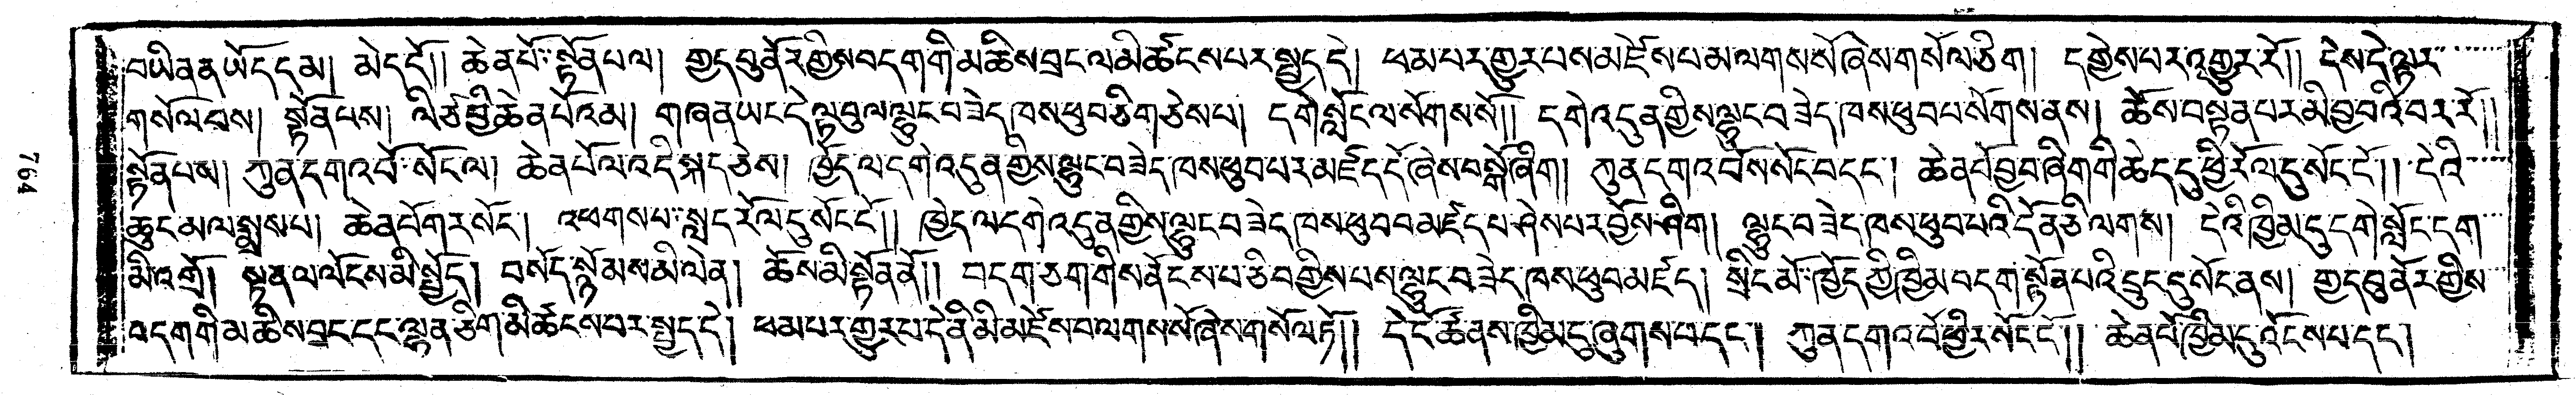བ་ཡིན་ན་ཡོད་དམ། མེད་དོ།། ཆེན་པོ༑ སྟོན་པ་ལ། གྱད་བུ་ནོར་གྱིས་བདག་གི་མཆིས་བྲང་ལ་མི་ཚངས་པར་སྤྱད་དེ། ཕམ་པར་གྱུར་པས་མཛེས་པ་མ་ལགས་སོ་ཞེས་གསོལ་ཅིག། དགྱེས་པར་འགྱུར་རོ།། དེས་དེ་ལྟར་
གསོལ་བས། སྟོན་པས། ལི་ཙ་བྱི་ཆེན་པོའམ། གཞན་ཡང་དེ་ལྟ་བུ་ལ་ལྷུང་བཟེད་ཁས་ཕུབ་ཅིག་ཅེས་པ། དགེ་སློང་ལ་སོགས་སོ།། དགེ་འདུན་གྱིས་ལྷུང་བཟེད་ཁས་ཕུབ་པ་སོགས་ནས། ཆོས་བསྟན་པར་མི་བྱ་བའི་བར་རོ།།
སྟོན་པས། ཀུན་དགའ་བོ༑ སོང་ལ། ཆེན་པོ་ལ་འདི་སྐད་ཅེས། ཁྱོད་ལ་དགེ་འདུན་གྱིས་ལྷུང་བཟེད་ཁས་ཕུབ་པར་མཛད་དོ་ཞེས་བསྒོ་ཞིག། ཀུན་དགའ་བོས་སོང་བ་དང་། ཆེན་པོ་བྱ་བ་ཞིག་གི་ཆེད་དུ་ཕྱི་རོལ་དུ་སོང་ངོ།། དེའི་
ཆུང་མལ་སྨྲས་པ། ཆེན་པོ་གར་སོང་། འཕགས་པ༑ སླད་རོལ་དུ་སོང་ངོ།། ཁྱེད་ལ་དགེ་འདུན་གྱིས་ལྷུང་བཟེད་ཁས་ཕུབ་བ་མཛད་པ་ཤེས་པར་བྱོས་ཤིག། ལྷུང་བཟེད་ཁས་ཕུབ་པའི་དོན་ཅི་ལགས། དེའི་ཁྱིམ་དུ་དགེ་སློང་དག་
མི་འགྲོ། སྟན་ལ་ལོངས་མི་སྤྱོད། བསོད་སྙོམས་མི་ལེན། ཆོས་མི་སྟོན་ནོ།། བདག་ཅག་གིས་ནོངས་པ་ཅི་བགྱིས་པས་ལྷུང་བཟེད་ཁས་ཕུབ་མཛད། སྲིང་མོ་ཁྱོད་ཀྱི་ཁྱིམ་བདག་སྟོན་པའི་དྲུང་དུ་སོང་ནས། གྱད་བུ་ནོར་གྱིས་
བདག་གི་མཆིས་བྲང་དང་ལྷན་ཅིག་མི་ཚངས་པར་སྤྱད་དེ། ཕམ་པར་གྱུར་པ་དེ་ནི་མི་མཛེས་བ་ལགས་སོ་ཞེས་གསོལ་ཏོ།། དེ་ངོ་ཚ་ནས་ཁྱིམ་དུ་ཞུགས་པ་དང་། ཀུན་དགའ་བོ་ཕྱིར་སོང་ངོ།། ཆེན་པོ་ཁྱིམ་དུ་འོངས་པ་དང་།